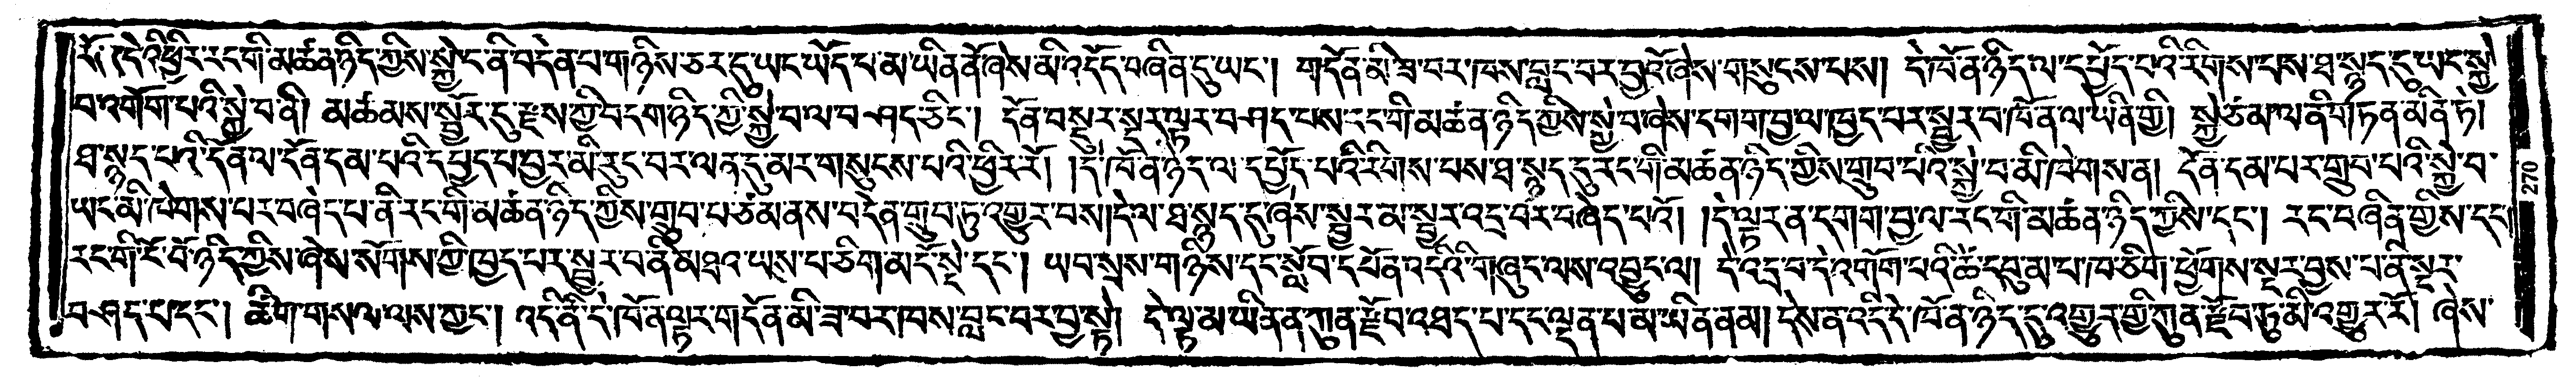རོ༑ ༑དེའི་ཕྱིར་རང་གི་མཚན་ཉིད་ཀྱིས་སྐྱེ་བ་ནི་བདེན་པ་གཉིས་ཅར་དུ་ཡང་ཡོད་པ་མ་ཡིན་ནོ་ཞེས་མི་འདོད་བཞིན་དུ་ཡང་། གདོན་མི་ཟ་བར་ཁས་བླང་བར་བྱའོ་ཞེས་གསུངས་པས། དེ་ཁོ་ན་ཉིད་ལ་དཔྱོད་པའི་རིགས་པས་མི་སྙད་དུ་ཡང་སྐྱེ་
བ་འགོག་པའི་སྐྱེ་བ་ནི། མཚམས་སྦྱོར་དུ་རྫས་ཀྱི་བདག་ཉིད་ཀྱི་སྐྱེ་བ་ལ་བཤད་ཅིང་། དོན་བསྡུར་སྔར་ལྟར་བཤད་པས་རང་གི་མཚན་ཉིད་ཀྱིས་སྐྱེ་བ་ཞེས་དགག་བྱ་ལ་ཁྱད་པར་སྦྱར་བ་ཁོ་ན་ལ་ཡིན་གྱི། སྐྱེ་ཙམ་ལ་ནི་གཏན་མིན་ཏེ།
ཐ་སྙད་པའི་དོན་ལ་དོན་དམ་པའི་དཔྱད་པ་བྱར་མི་རུང་བར་ལན་དུ་མར་གསུངས་པའི་ཕྱིར་རོ། །དེ་ཁོ་ན་ཉིད་ལ་དཔྱོད་པའི་རིགས་པས་ཐ་སྙད་དུ་རང་གི་མཚན་ཉིད་ཀྱིས་གྲུབ་པའི་སྐྱེ་བ་མི་ཁེགས་ན། དོན་དམ་པར་གྲུབ་པའི་སྐྱེ་བ་
ཡང་མི་ཁེགས་པར་བཞེད་པ་ནི་རང་གི་མཚན་ཉིད་ཀྱིས་གྲུབ་པ་ཙམ་ནས་བདེན་གྲུབ་ཏུ་འགྱུར་བས། དེ་ལ་ཐ་སྙད་དུ་ཞེས་སྦྱར་མ་སྦྱར་འདྲ་བར་བཞེད་པའོ། །དེ་ལྟར་ན་དགག་བྱ་ལ་རང་གི་མཚན་ཉིད་ཀྱིས་དང་། རང་བཞིན་གྱིས་དང་།
རང་གི་ངོ་བོ་ཉིད་ཀྱིས་ཞེས་སོགས་ཀྱི་ཁྱད་པར་སྦྱར་བ་ནི་མཐའ་ཡས་པ་ཅིག་མདོ་སྡེ་དང་། ཡབ་སྲས་གཉིས་དང་སློབ་དཔོན་འདིའི་གཞུང་ལས་འབྱུང་ལ། དེ་འདྲ་བ་དེ་འགོག་པའི་ཚེ་དབུ་མ་པ་ཁ་ཅིག་ཕྱོགས་སྔར་བྱས་པ་ནི་སྔར་
བཤད་པ་དང་། ཚིག་གསལ་ལས་ཀྱང་། འདི་ནི་དེ་ཁོ་ན་ལྟར་གདོན་མི་ཟ་བར་ཁས་བླང་བར་བྱ་སྟེ། དེ་ལྟ་མ་ཡིན་ན་ཀུན་རྫོབ་འཐད་པ་དང་ལྡན་པ་མ་ཡིན་ནམ། དེས་ན་འདི་དེ་ཁོ་ན་ཉིད་དུ་འགྱུར་གྱི་ཀུན་རྫོབ་ཏུ་མི་འགྱུར་རོ། ཞེས་